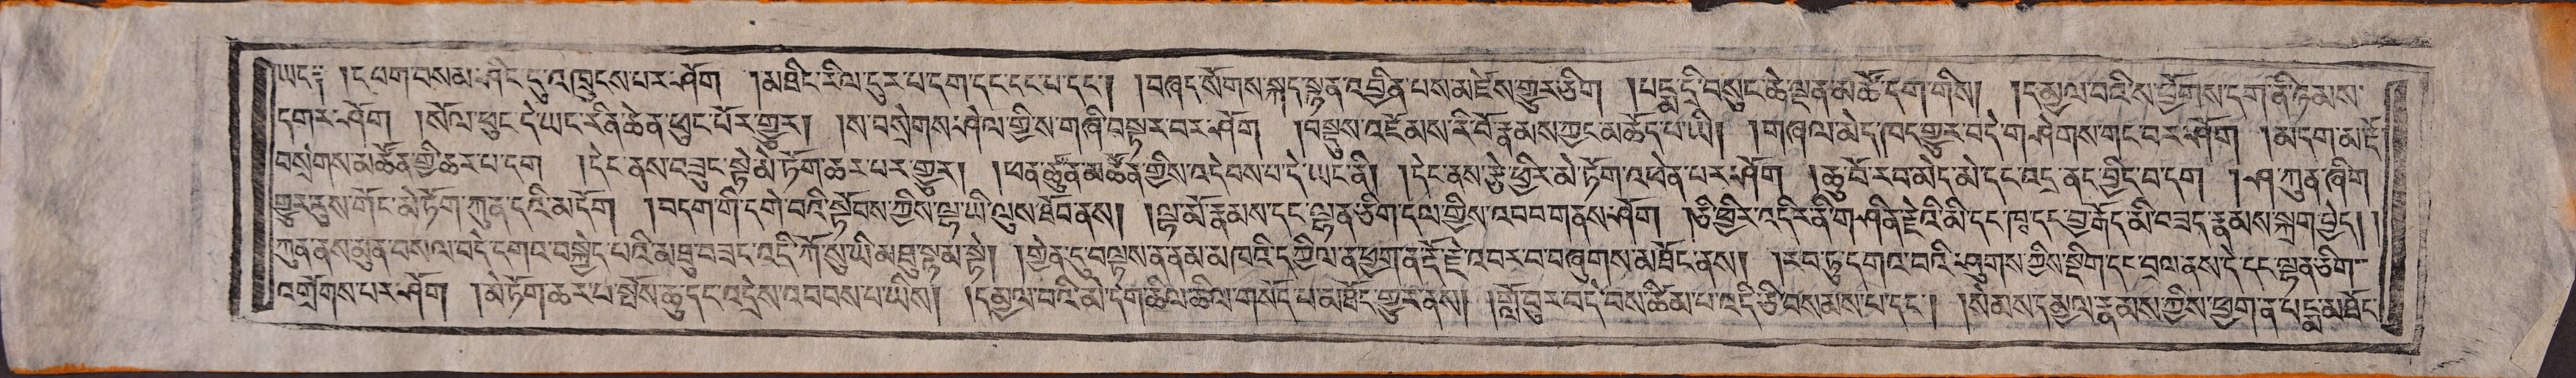ཡང༑ ༑དཔག་བསམ་ཤིང་དུ་འཁྲུངས་པར་ཤོག །མཐིང་རིལ་དུར་བ་དག་དང་ངང་པ་དང་། །བཞད་སོགས་སྐད་སྙན་འབྱིན་པས་མཛེས་གྱུར་ཅིག །པདམ་དྲི་བསུང་ཆེ་ལྡན་མཚོ་དག་གིས། །དམྱལ་བའི་ས་ཕྱོགས་དག་ནི་ཉམས་
དགར་ཤོག །སོལ་ཕུང་དེ་ཡང་རིན་ཆེན་ཕུང་པོར་གྱུར། །ས་བསྲེགས་ཤེལ་གྱི་ས་གཞི་བསྟར་བར་ཤོག །བསྡུས་འཇོམས་རི་བོ་རྣམས་ཀྱང་མཆོད་པ་ཡི། །གཞལ་མེད་ཁང་གྱུར་བདེ་གཤེགས་གང་བར་ཤོག །མདག་མ་རྡོ་
བསྲེགས་མཚོན་གྱི་ཆར་པ་དག །དེང་ནས་བཟུང་སྟེ་མེ་ཏོག་ཆར་བར་གྱུར། །ཕན་ཚུན་མཚོན་གྱིས་འདེབས་པ་དེ་ཡང་ནི། །དེང་ནས་རྩེ་ཕྱིར་མེ་ཏོག་འཕེན་པར་ཤོག །ཆུ་བོ་རབ་མེད་མེ་དང་འདྲ་ནང་བྱིང་བདག །ཤ་ཀུན་ཞིག་
གྱུར་རུས་གོང་མེ་ཏོག་ཀུན་དའི་མདོག །བདག་གི་དགེ་བའི་སྟོབས་ཀྱིས་ལྷ་ཡི་ལུས་ཐོབ་ནས། །ལྷ་མོ་རྣམས་དང་ལྷན་ཅིག་དལ་གྱིས་འབབ་གནས་ཤོག །ཅི་ཕྱིར་འདིར་ནི་གཤིན་རྗེའི་མི་དང་ཁྭ་དང་བྱ་རྒོད་མི་བཟད་རྣམས་སྐྲག་བྱེད། །
ཀུན་ནས་མུན་བསལ་བདེ་དགའ་བསྐྱེད་པའི་མཐུ་བཟང་འདི་ཀོ་སུ་ཡི་མཐུ་སྙམ་སྟེ། །གྱེན་དུ་བལྟས་ན་ནམ་མཁའི་དཀྱིལ་ན་ཕྱག་ན་རྡོ་རྗེ་འབར་བ་བཞུགས་མཐོང་ནས། །རབ་ཏུ་དགའ་བའི་ཤུགས་ཀྱིས་སྡིག་དང་བྲལ་ནས་དེ་དང་ལྷན་ཅིག་
འགྲོགས་པར་ཤོག །མེ་ཏོག་ཆར་པ་སྤོས་ཆུ་དང་འདྲེས་འབབས་པ་ཡིས། །དམྱལ་བའི་མེ་དག་ཆིལ་ཆིལ་གསོད་པ་མཐོང་གྱུར་ནས། །གློ་བུར་བདེ་བས་ཚིམ་པ་འདི་ཅི་བསམས་པ་དང་། །སེམས་དམྱལ་རྣམས་ཀྱིས་ཕྱག་ན་པདམ་མཐོང་